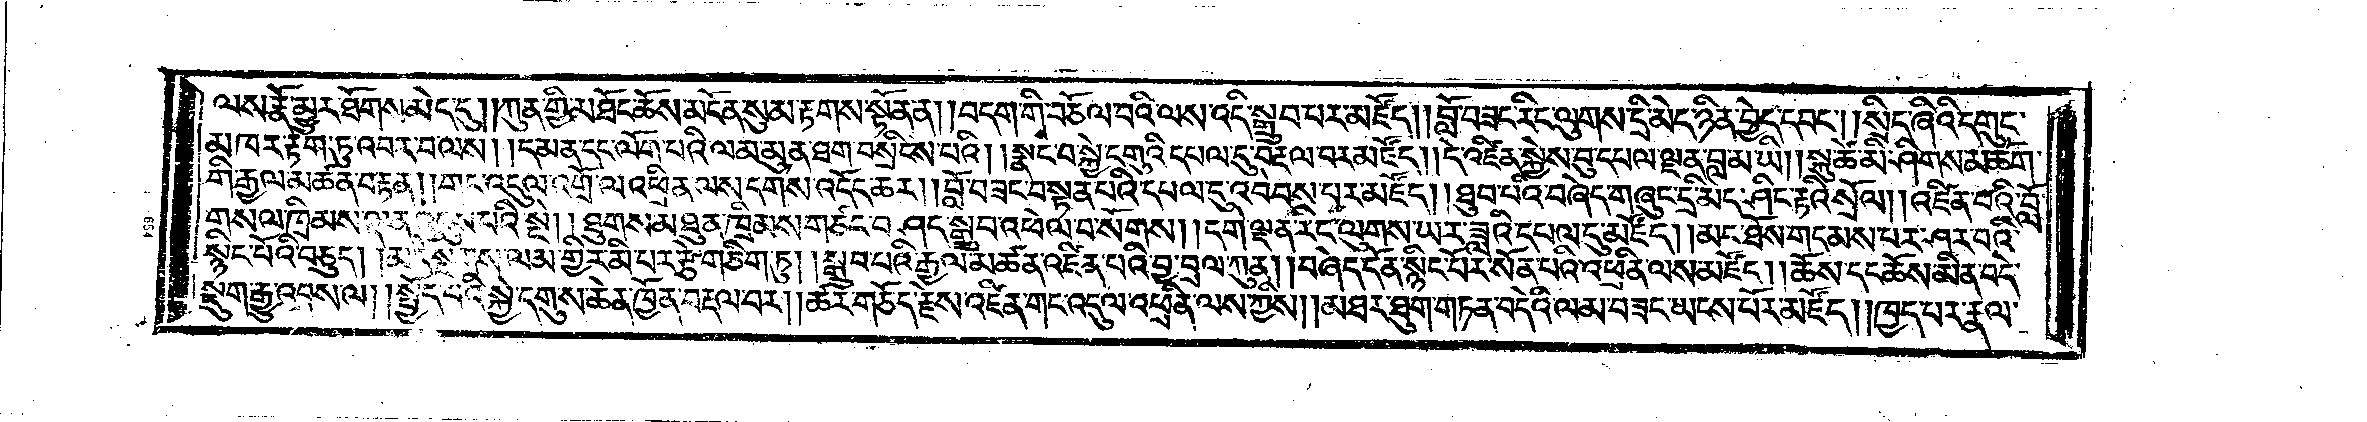ལས་རྣོ་མྱུར་ཐོགས་མེད་དུ། །ཀུན་གྱི་མཐོང་ཆོས་མངོན་སུམ་རྟགས་སྟོན་ན། །བདག་གི་བཅོལ་བའི་ལས་འདི་སྒྲུབ་པར་མཛོད། །བློ་བཟང་རིང་ལུགས་དྲི་མེད་ཉིན་བྱེད་དབང་། །སྲིད་ཞིའི་དགུང་
མཁར་རྟག་ཏུ་འབར་བ་ལས། །དམན་དང་ལོག་པའི་ལམ་མུན་ཐག་བསྲིངས་པའི། །སྣང་བ་སྐྱེ་དགུའི་དཔལ་དུ་བརྡལ་བར་མཛོད། །དེ་འཛིན་སྐྱེས་བུ་དཔལ་ལྡན་བླ་མ་ཡི། །སྐུ་ཚེ་མི་ཤིགས་མཆོག་
གི་རྒྱལ་མཚན་བརྟན། །གང་འདུལ་འགྲོ་ལ་འཕྲིན་ལས་དགོས་འདོད་ཆར། །བློ་བཟང་བསྟན་པའི་དཔལ་དུ་འབེབས་པར་མཛོད། །ཐུབ་པའི་བཞེད་གཞུང་དྲི་མེད་ཤིང་རྟའི་སྲོལ། །འཛིན་པའི་བློ་
གསལ་ཁྲིམས་ལྡན་འདུས་པའི་སྡེ། །ཐུགས་མཐུན་ཁྲིམས་གཙང་བཤད་སྒྲུབ་འཕེལ་བ་སོགས། །དགེ་ལྡན་རིང་ལུགས་ཡར་ཟླའི་དཔལ་དུ་མཛོད། །མང་ཐོས་གདམས་པར་ཤར་བའི་
སྙིང་པོའི་བཅུད། །མདོ་སྔགས་ལམ་གྱི་རིམ་པར་རྩེ་གཅིག་ཏུ། །སྒྲུབ་པའི་རྒྱལ་མཚན་འཛིན་པའི་བྱ་བྲལ་ཀུན། །བཞེད་དོན་སྙིང་པོར་ཚོན་པའི་འཕྲིན་ལས་མཛོད། །ཆོས་དང་ཆོས་མིན་བདེ་
སྡུག་རྒྱུ་འབྲས་ལ། །སྤྱོད་པའི་སྐྱེ་དགུ་ས་ཆེན་ཁྱོན་བརྡལ་བར། །ཚར་གཅོད་རྗེས་འཛིན་གང་འདུལ་འཕྲིན་ལས་ཀྱིས། །མཐར་ཐུག་གཏན་བདེའི་ལམ་བཟང་ཡངས་པོར་མཛོད། །ཁྱད་པར་རྣལ་